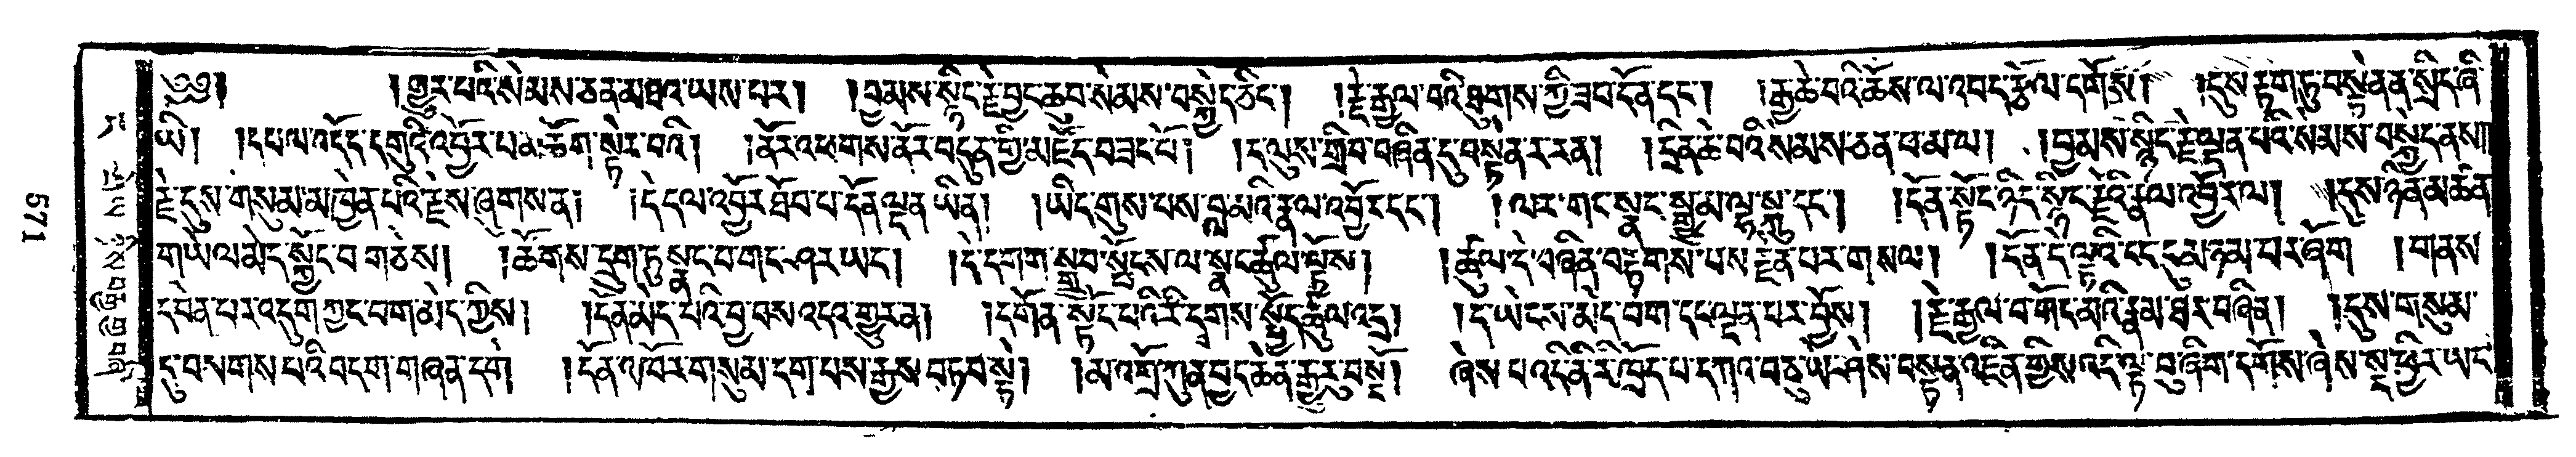༄༅། །གྱུར་པའི་སེམས་ཅན་མཐའ་ཡས་པར། །བྱམས་སྙིང་རྗེ་བྱང་ཆུབ་སེམས་བསྐྱེད་ཅིང་། །རྗེ་རྒྱལ་བའི་ཐུགས་ཀྱི་ཟབ་དོན་དང་། །རྒྱ་ཆེ་བའི་ཆོས་ལ་འབད་རྩོལ་དགོས། །དུས་རྟག་ཏུ་བསྟེན་ན་སྲིད་ཞི་
ཡི། །དཔལ་འདོད་དགུའི་འབྱོར་པ་མཆོག་སྟེར་བའི། །ནོར་འཕགས་ནོར་བདུན་གྱི་མཛོད་བཟང་པོ། །ད་ལུས་གྲིབ་བཞིན་དུ་བསྟེན་ར་རན། །དྲིན་ཆེ་བའི་སེམས་ཅན་ཕ་མ་ལ། །བྱམས་སྙིང་རྗེ་ལྡན་པའི་སེམས་བསྐྱེད་ནས།
རྗེ་དུས་གསུམ་མཁྱེན་པའི་རྗེས་ཞུགས་ན། །དེ་དལ་འབྱོར་ཐོབ་པ་དོན་ལྡན་ཡིན། །ཡིད་གུས་པས་བླ་མའི་རྣལ་འབྱོར་དང་། །ལར་གང་སྣང་སྒྱུ་མ་ལྷ་སྐུ་དང་། །དོན་སྟོང་ཉིད་སྙིང་རྗེའི་རྣལ་འབྱོར་ལ། །དུས་ཉིན་མཚན་
གཡེལ་མེད་སྐྱོང་བ་གཅེས། །ཚོགས་དྲུག་ཏུ་སྣང་བ་གང་ཤར་ཡང་། །དེ་དགག་སྒྲུབ་སྤོངས་ལ་སྣང་ཚུལ་ལྟོས། །ཚུལ་དེ་བཞིན་བརྟགས་པས་རྗེན་པར་གསལ། །དོན་དེ་ལྟའི་ངང་དུ་མཉམ་པར་ཞོག །གནས་
དབེན་པར་འདུག་ཀྱང་བག་མེད་ཀྱིས། །དོན་མེད་པའི་བྱ་བས་འདའ་གྱུར་ན། །དགོན་སྟོང་པའི་རི་དྭགས་སྤྱོད་ཚུལ་འདྲ། །ད་ཡེངས་མེད་བག་དང་ལྡན་པར་བྱོས། །རྗེ་རྒྱལ་བ་གོང་མའི་རྣམ་ཐར་བཞིན། །དུས་གསུམ་
དུ་བསགས་པའི་བདག་གཞན་དགེ །དོན་འཁོར་གསུམ་དག་པས་རྒྱས་བཏབ་སྟེ། །མ་འགྲོ་ཀུན་བྱང་ཆེན་རྒྱུ་རུ་བསྔོ། ཞེས་པ་འདི་ནི་རི་ཁྲོད་པ་དཀའ་བཅུ་ཡེ་ཤེས་བསྟན་འཛིན་གྱིས་འདི་ལྟ་བུ་ཞིག་དགོས་ཞེས་སྔ་ཕྱིར་ཡང་